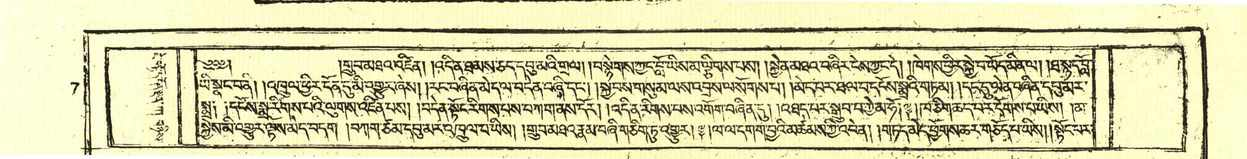༄༅། །གྲུབ་མཐའ་འཛིན། །འདི་ན་ཐམས་ཅད་དབུ་མའི་གྲལ། །བསྙེགས་ཀྱང་བློ་ཡིས་མ་ལྕིགས་པས། །སྐྱེན་མཐའ་བཞིར་ངེས་ཀྱང་དེ། །ཁེགས་ཕྱིར་སྐྱེ་བ་ཡོད་མིན་ལ། །ཐ་སྙད་བློ་
ཡི་སྣང་བ་ནི། །འཁྲུལ་ཕྱིར་དོན་དུ་མི་འགྱུར་ཞེས། །རང་བཞིན་མེད་ལ་བདེན་བཞི་དང་། །སྐྱབས་གསུམ་ལས་འབྲས་ལ་སོགས་པ། །མེད་པར་ཐལ་པ་དངོས་སྨྲའི་གཏམ། །དང་དུ་ལེན་བཞིན་དབུ་མར་
སྨྲ༑ ༑དངོས་སྨྲ་རིགས་པའི་ལུགས་འཛིན་པས། །བདེན་སྟོང་རིགས་པས་བཀག་ནས་དོར། །འདི་ན་རིགས་པས་འགོག་བཞིན་དུ། །འཐད་པར་སྒྲུབ་པ་ཀྱེ་མ་ཧོ། ༈ །ཁ་ཅིག་ཆད་པར་དོགས་པ་ཡིས། །མ་
སྐྱེས་མི་འགྱུར་ལྟོས་མེད་བདག །བཀག་ཙམ་དབུ་མར་འཁྲུལ་པ་ཡིས། །གྲུབ་མཐའ་རྣམ་བཞི་གཅིག་ཏུ་འགྱུར། ༈ །ལ་ལ་དགག་བྱའི་མཚམས་ཀྱི་འབེན། །གཏད་མེད་ཕྱོགས་ཆར་གཅོད་པ་ཡིས། །སྟོང་པར་